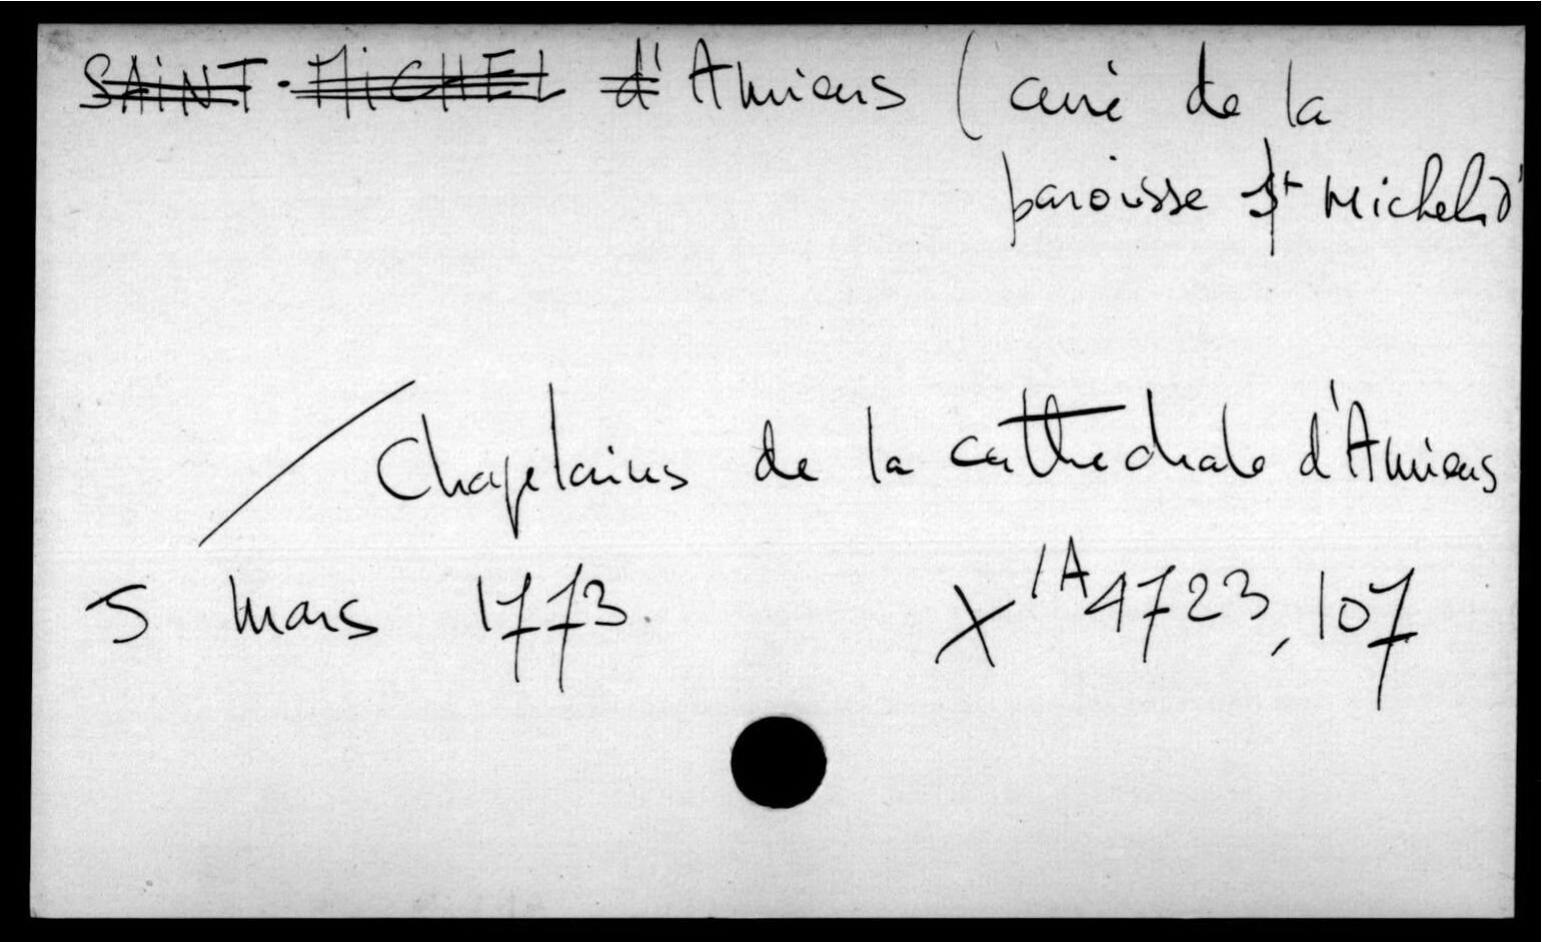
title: Amiens (curé de la paroisse Saint-Michel d')
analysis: Contre Chapelains de la cathédrale d'Amiens
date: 5 mars 1773
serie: X1A
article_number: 4723
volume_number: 107
